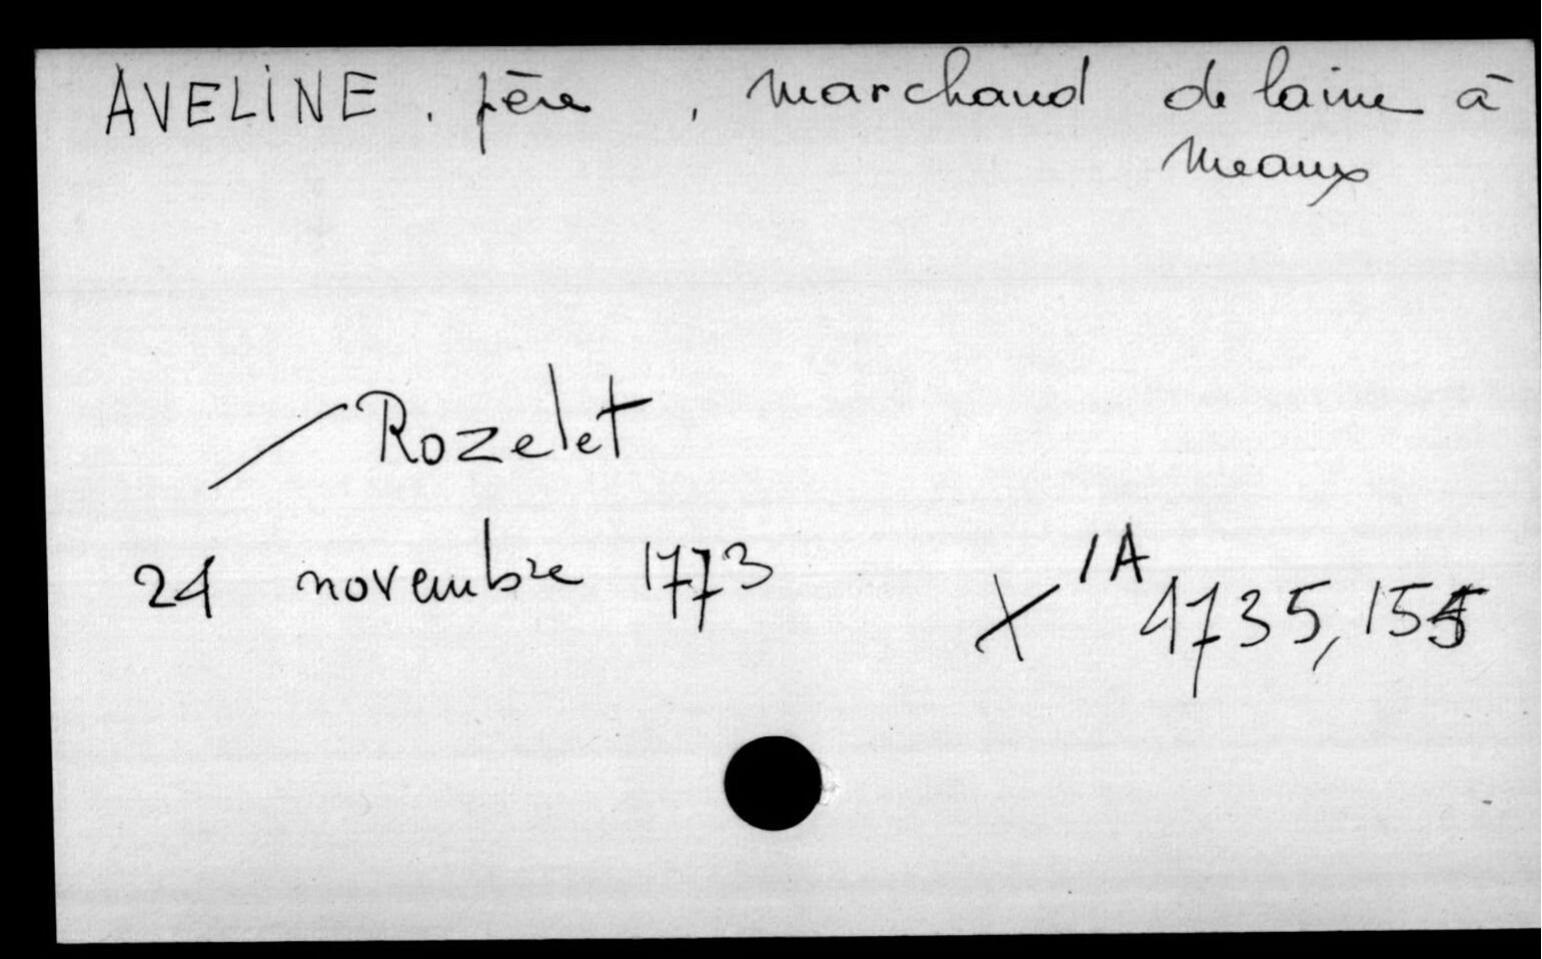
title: AVELINE, père marchand de laine à Meaux
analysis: Contre Rozelet
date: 24 novembre 1773
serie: X1A
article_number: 4735
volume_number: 155
